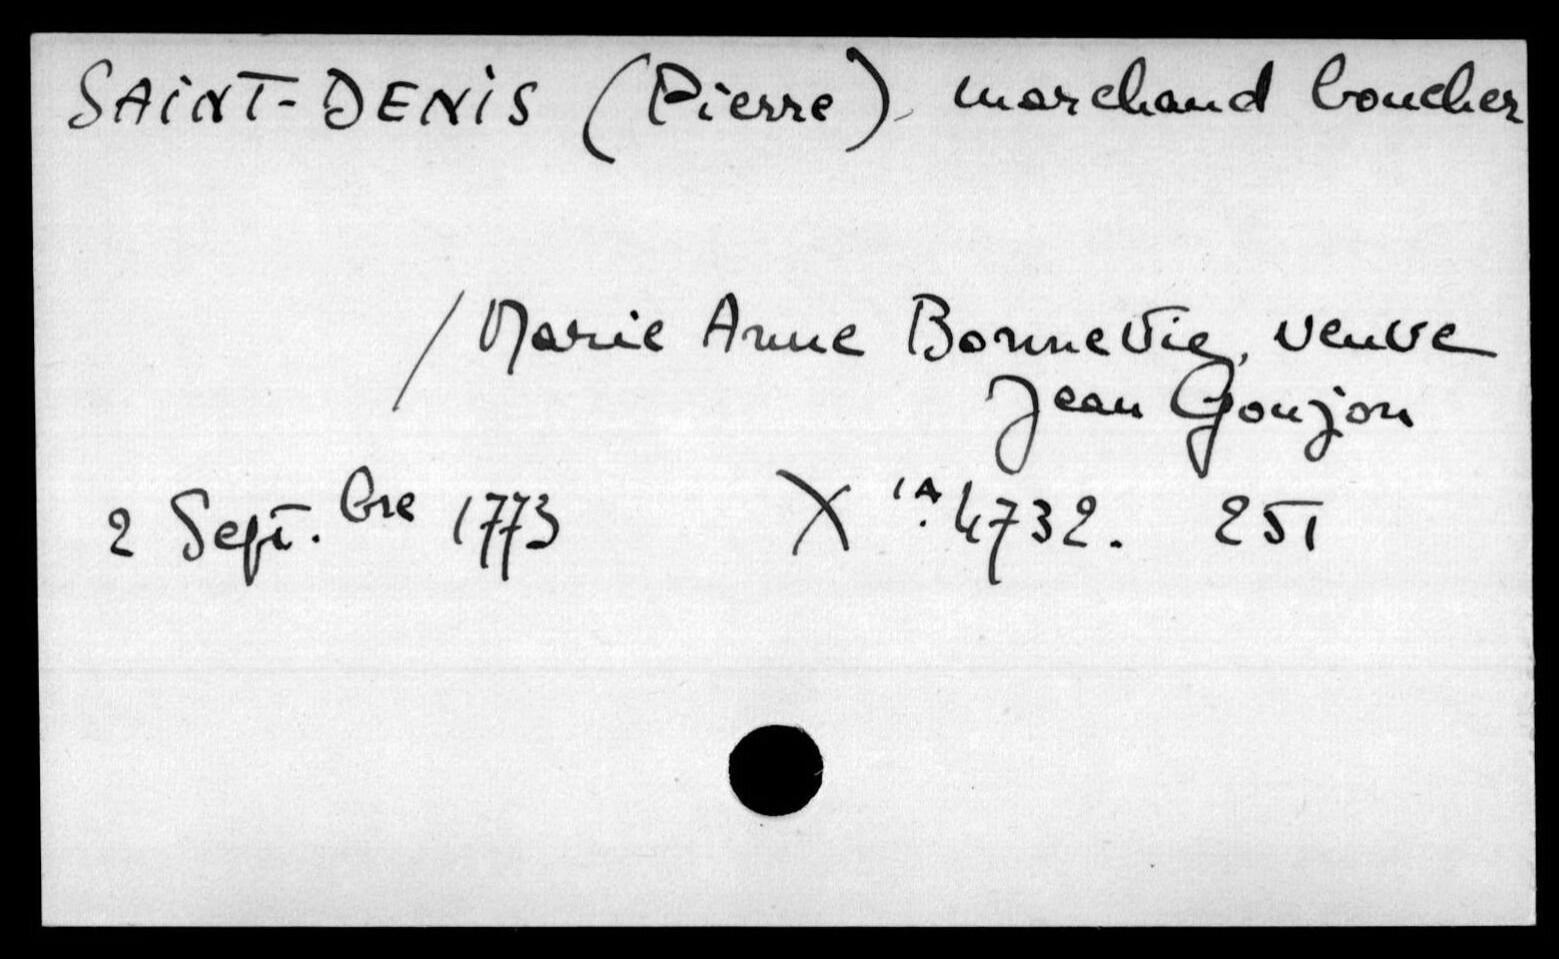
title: SAINT-DENIS (Pierre), marchand boucher
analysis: Contre Marie Anne Bonnevie, veuve Jean Goujon
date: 2 septembre 1773
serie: X1A
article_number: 4732
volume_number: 251
